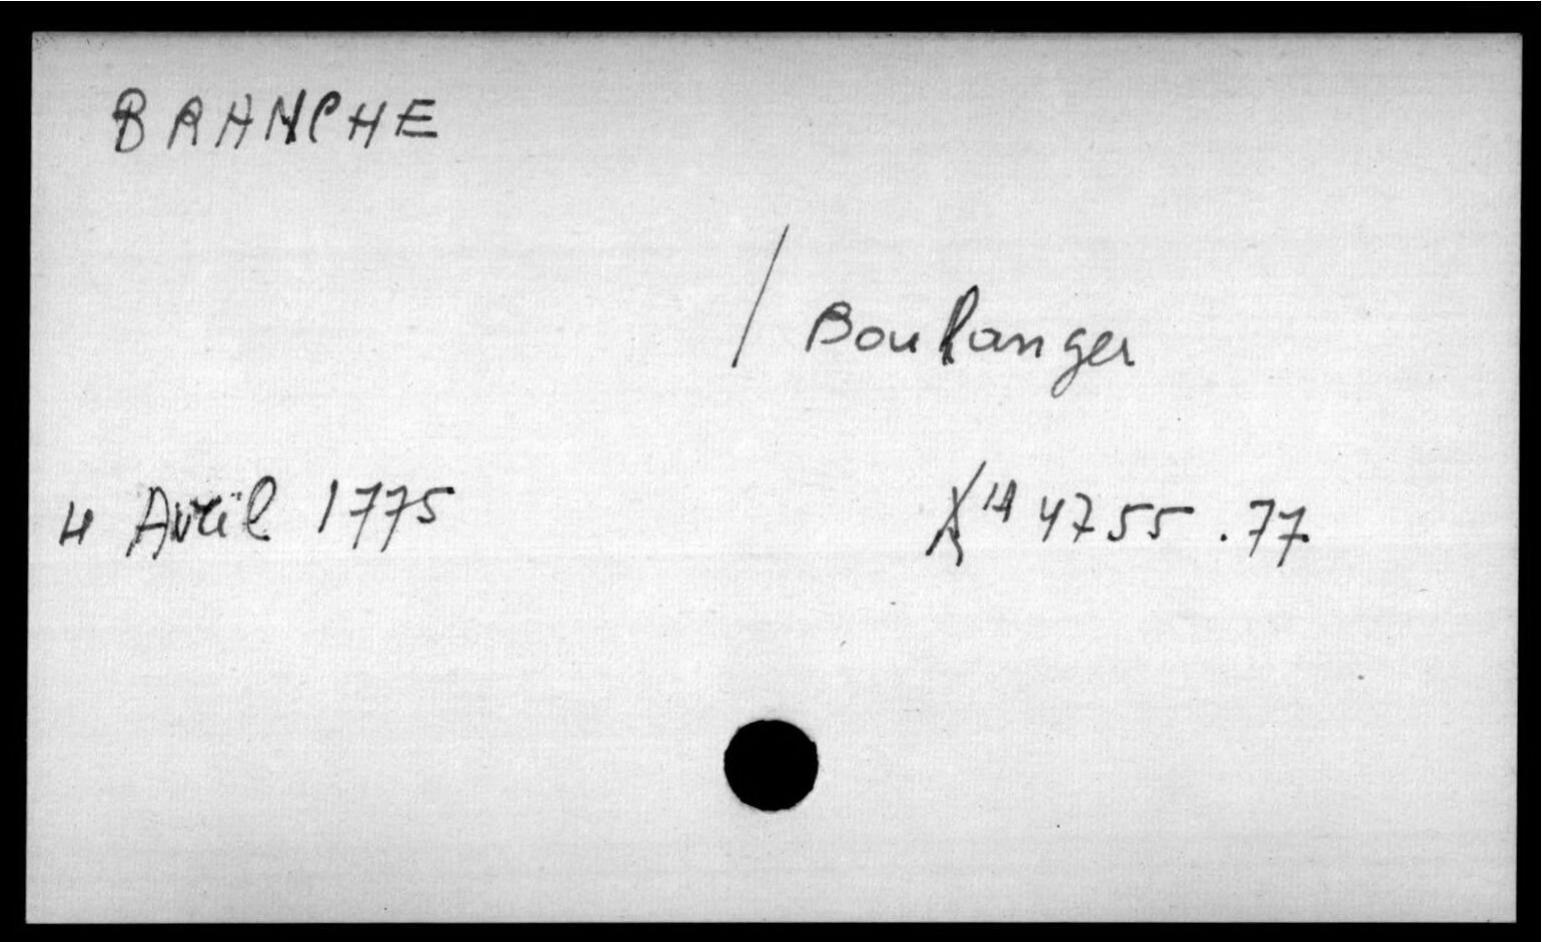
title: BAANCHE
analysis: Contre Boulanger
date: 4 avril 1775
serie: X1A
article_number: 4755
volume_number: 77
